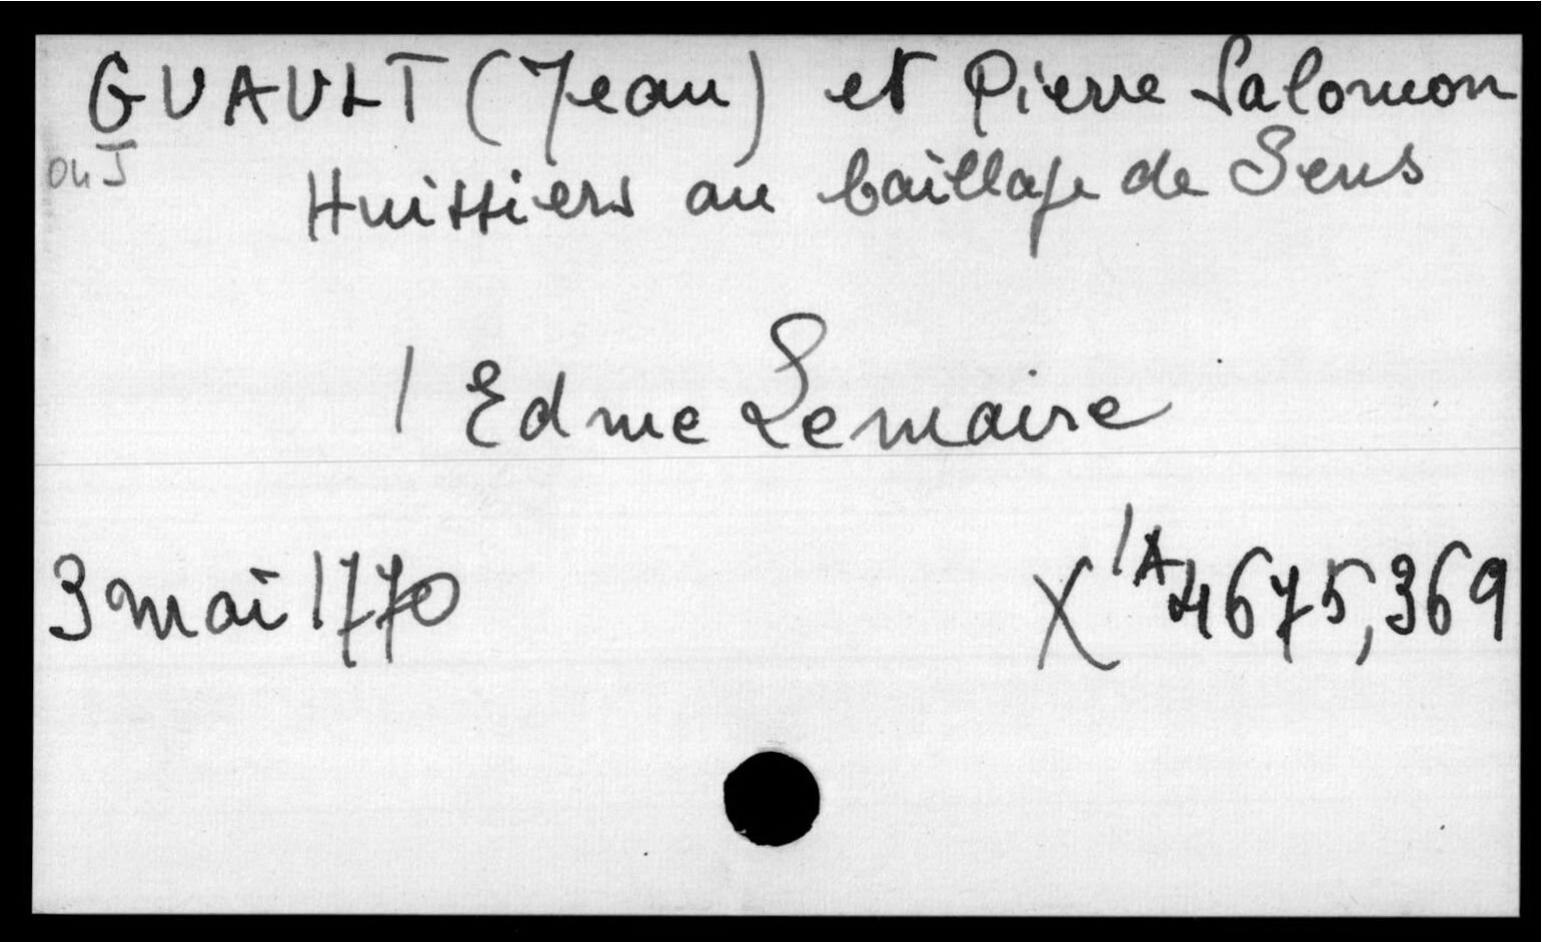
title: GUAULT (Jean) et Pierre Salomon, huissiers au bailliage de Sens
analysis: Contre Edme Lemaire
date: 3 mai 1770
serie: X1A
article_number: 4675
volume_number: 369
